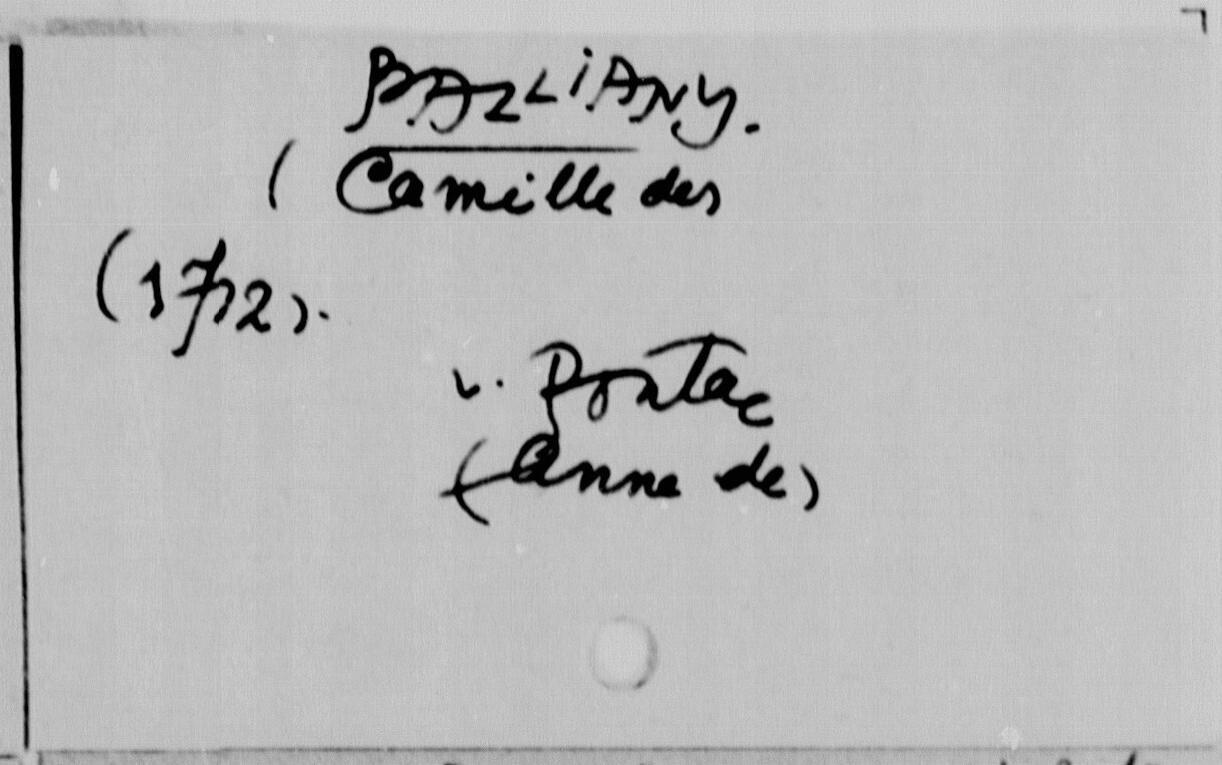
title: BALLIANY (Camille des)
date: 1712
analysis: Voir Pontac (Anne de)
